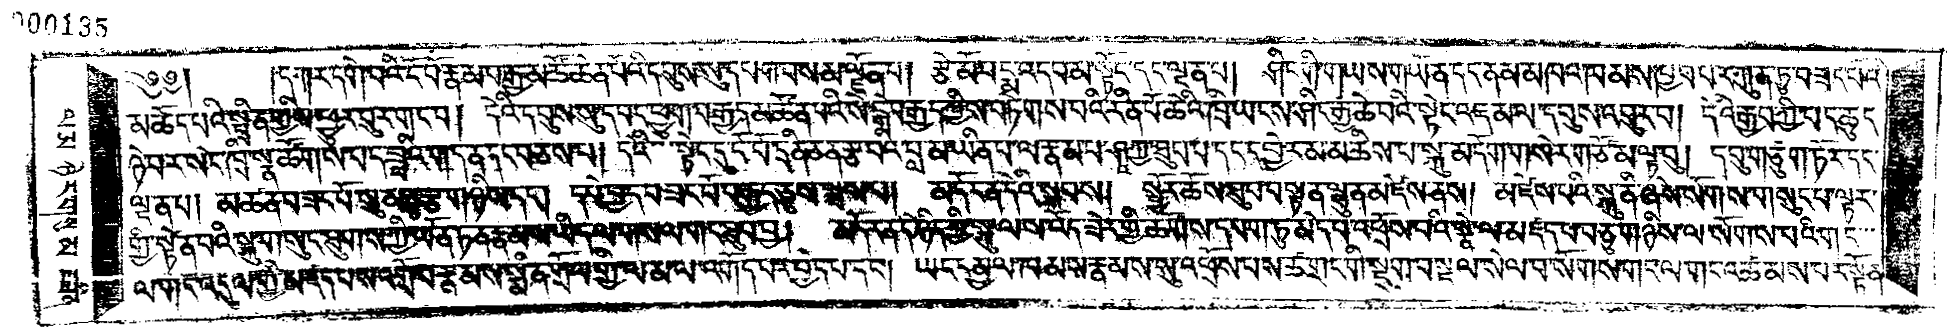༄༅། །དཀར་དགེ་བའི་ངོ་བོ་རྣམ་པ་རྒྱ་མཚོ་ཆེན་པོའི་དབུས་སུ་དཔག་བསམ་ལྗོན་པ། རྩེ་མོ་པདམ་འདབ་མ་སྟོང་དང་ལྡན་པ། ཤིང་གི་གཡས་གཡོན་དང་ནམ་མཁའ་ཁམས་ཁྱབ་པར་ཀུན་ཏུ་བཟང་པོའི་
མཆོད་པའི་སྤྲིན་གྱིས་ཕྱུར་བུར་གང་བ། དེའི་དབུས་སུ་དབང་ཕྱུག་བརྒྱད་མཚོན་པའི་སེངྒེ་བརྒྱད་ཀྱིས་བཏེགས་པའི་རིན་པོ་ཆེའི་ཁྲི་ཡངས་ཤིང་རྒྱ་ཆེ་བའི་སྟེང་འཇམ་ལ་དབུས་འབུར་བ། དེའི་རྒྱབ་ཀྱི་པད་ཆུད་
ཉེ་བར་སེང་ཁྲི་སྣ་ཚོགས་པད་ཟླའི་གདན་དང་བཅས་པ། དེའི་སྟེང་དུ་ངོ་བོ་དྲིན་ཅན་རྩ་བའི་བླ་མ་ཡིན་པ་ལ་རྣམ་པ་ཤཱཀྱ་ཐུབ་པ་དང་དབྱེར་མ་མཆིས་པ་སྐུ་མདོག་གསེར་གཙོ་མ་ལྟ་བུ། དབུ་གཙུག་ཏོར་དང་
ལྡན་པ། མཚན་བཟང་པོ་སུམ་ཅུ་རྩ་གཉིས་དང་། དཔེ་བྱད་བཟང་པོ་བརྒྱད་ཅུས་སྤྲས་པ། མདོར་ན་དེའི་སྐབས། སྦྱོར་ཆོས་ཐུབ་བསྟན་ལྷུན་མཛེས་ནས། མཛེས་པའི་སྐུ་ནི་ཞེས་སོགས་གསུང་པ་ལྟར་
གྱི་སྟོན་པའི་སྐུ་གསུང་ཐུགས་ཀྱི་ཡོན་ཏན་རྣམས་ཡིད་ལ་གསལ་གང་ཐུབ་བྱ། མདོར་ན་དེ་ཉིད་ཀྱི་སྐུ་ལས་འོད་ཟེར་གྱི་ཚོགས་དཔག་ཏུ་མེད་པ་འཕྲོས་པའི་སྣེ་ལ་མཛད་པ་བཅུ་གཉིས་ལ་སོགས་པའི་གང་
ལ་གང་འདུལ་གྱི་མཛད་པས་འགྲོ་བ་རྣམས་སྨིན་གྲོལ་གྱི་ལམ་ལ་འགོད་པར་བྱེད་པ་དང་། ཡང་དམྱལ་ཁམས་རྣམས་སུ་འཕྲོས་པས་ཚ་གྲང་གི་སྡུག་བསྔལ་སེལ་བ་སོགས་གང་ལ་གང་འཚམས་པར་སྟོན་